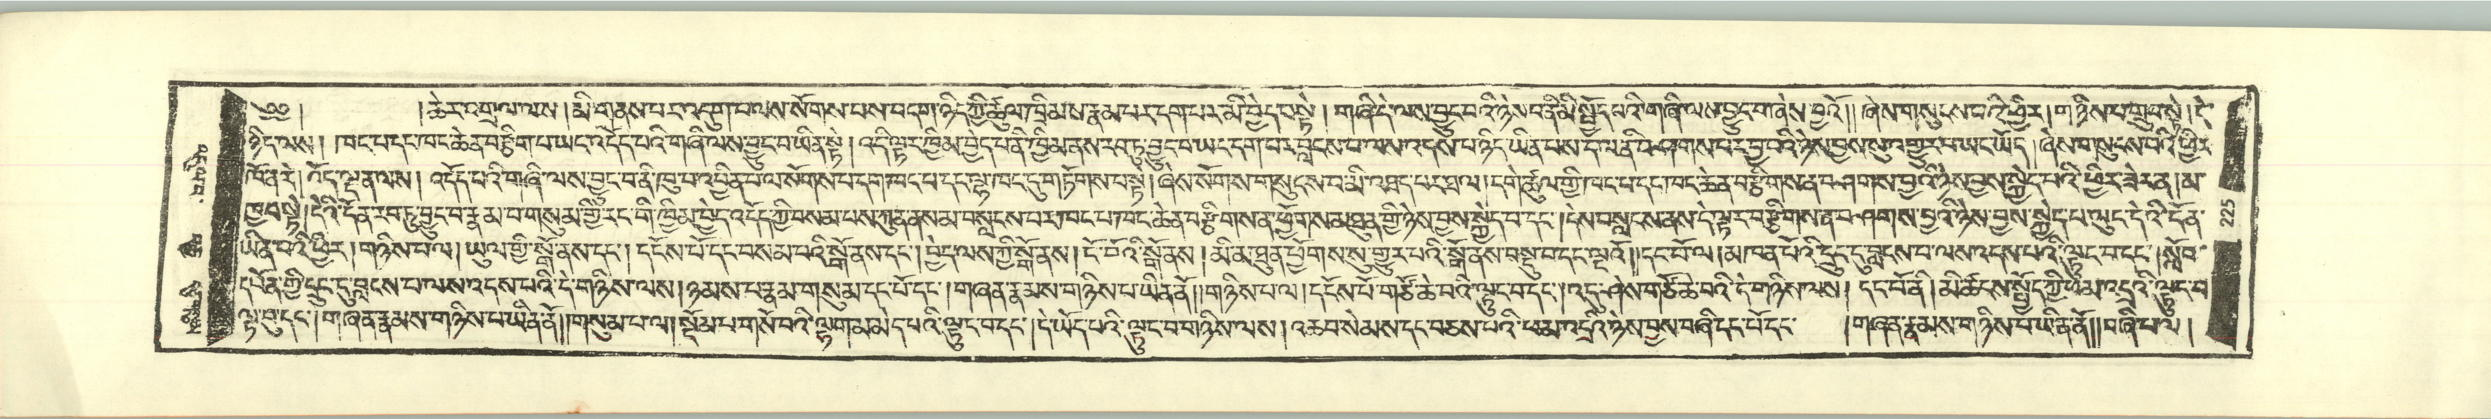༄༅། །ཆེར་འགྲལ་ལས། མི་གནས་པར་འདུག་པ་ལས་སོགས་པས་བདག་ཉིད་ཀྱི་ཚུལ་ཁྲིམས་རྣམ་པར་དག་པར་མི་བྱེད་བསྟེ། གཞི་དེ་ལས་བྱུང་བའི་ཉེས་བ་ནི་མི་སྤྱོད་པའི་གཞི་ལས་བྱུང་བ་ཞེས་བྱའོ། །ཞེས་གསུངས་པའི་ཕྱིར། གཉིས་པ་གྲུབ་སྟེ། དེ་
ཉིད་ལས། ཁང་པ་དང་ཁང་ཆེན་བརྩིག་པ་ཡང་འདོད་པའི་གཞི་ལས་བྱུང་བ་ཡིན་སྟེ། འདི་ལྟར་ཁྱིམ་བྱེད་པ་ནི་ཁྱིམ་ནས་རབ་ཏུ་བྱུང་བ་ཡང་དག་པར་བླངས་པ་ལས་འདས་པ་ཉིད་ཡིན་པས་དལ་ནི་བཤགས་པར་བྱ་བའི་ཉེས་བྱས་སུ་འགྱུར་པ་ཡང་ཡོད། །ཞེས་གསུངས་པའི་ཕྱིར་
ཁོ་ན་རེ། འོད་ལྡན་ལས། འདོད་པའི་གཞི་ལས་བྱུང་བ་ནི་ཁུ་བ་འབྱིན་པ་ལ་སོགས་པ་དག་ཁང་པ་དང་ལྷ་ཁང་དུ་གཏོགས་པ་སྟེ། ཞེས་སོགས་གསུངས་བ་མི་འཐད་པར་ཐལ། དགེ་ཚུལ་གྱི་ཁང་པ་དང་ཁང་ཆེན་བརྩིགས་ན་བཤགས་བྱའི་ཉེས་བྱས་སྐྱེད་པའི་ཕྱིར་ཟེར་ན། མ་
ཁྱབ་སྟེ། དེའི་དོན་རབ་ཏུ་བྱུང་བ་རྣམ་པ་གསུམ་གྱི་རང་གི་ཁྱིམ་བྱེད་འདོད་ཀྱི་བསམ་པས་ཀུན་ནས་མ་བསླངས་པར་ཁང་པ་ཁང་ཆེན་བརྩིགས་ན་ཕྱོགས་མཐུན་གྱི་ཉེས་བྱས་སྐྱེད་པ་དང་། དེས་བསླངས་ནས་དེ་ལྟར་བརྩིགས་ན་བཤགས་བྱའི་ཉེས་བྱས་སྐྱེད་པ་ལུང་དེའི་དོན་
ཡིན་པའི་ཕྱིར། གཉིས་པ་ལ། ཡུལ་གྱི་སྒོ་ནས་དང་། དངོས་པོ་དང་བསམ་པའི་སྒོ་ནས་དང་། བྱེད་ལས་ཀྱི་སྒོ་ནས། ངོ་བོའི་སྒོ་ནས། མི་མཐུན་ཕྱོགས་སུ་གྱུར་པའི་སྒོ་ནས་བསྡུ་བ་དང་ལྔའོ། །དང་པོ་ལ། མཁན་པོའི་དྲུང་དུ་བླངས་པ་ལས་འདས་པའི་ལྟུང་བ་དང་། སློབ་
དཔོན་གྱི་དྲུང་དུ་བླངས་པ་ལས་འདས་པའི་དེ་གཉིས་ལས། ཉམས་པ་རྣམ་གསུམ་དང་པོ་དང་། གཞན་རྣམས་གཉིས་པ་ཡིན་ནོ། །གཉིས་པ་ལ། དངོས་པོ་གཙོ་ཆེ་བའི་ལྟུང་བ་དང་། འདུ་ཤེས་གཙོ་ཆེ་བའི་དེ་གཉིས་ལས། དང་པོ་ནི། མི་ཚངས་སྤྱོད་ཀྱི་ཕམ་འདྲའི་ལྟུང་བ་
ལྟ་བུ་དང་། གཞན་རྣམས་གཉིས་པ་ཡིན་ནོ། །གསུམ་པ་ལ། སྡོམ་པ་གསོ་བའི་ལྷག་མ་མེད་པའི་ལྟུང་བ་དང་། དེ་ཡོད་པའི་ལྟུང་བ་གཉིས་ལས། འཆབ་སེམས་དང་བཅས་པའི་ཕམ་འདྲའི་ཉེས་བྱས་བཞི་དང་པོ་དང་།གཞན་རྣམས་གཉིས་པ་ཡིན་ནོ། །བཞི་པ་ལ།